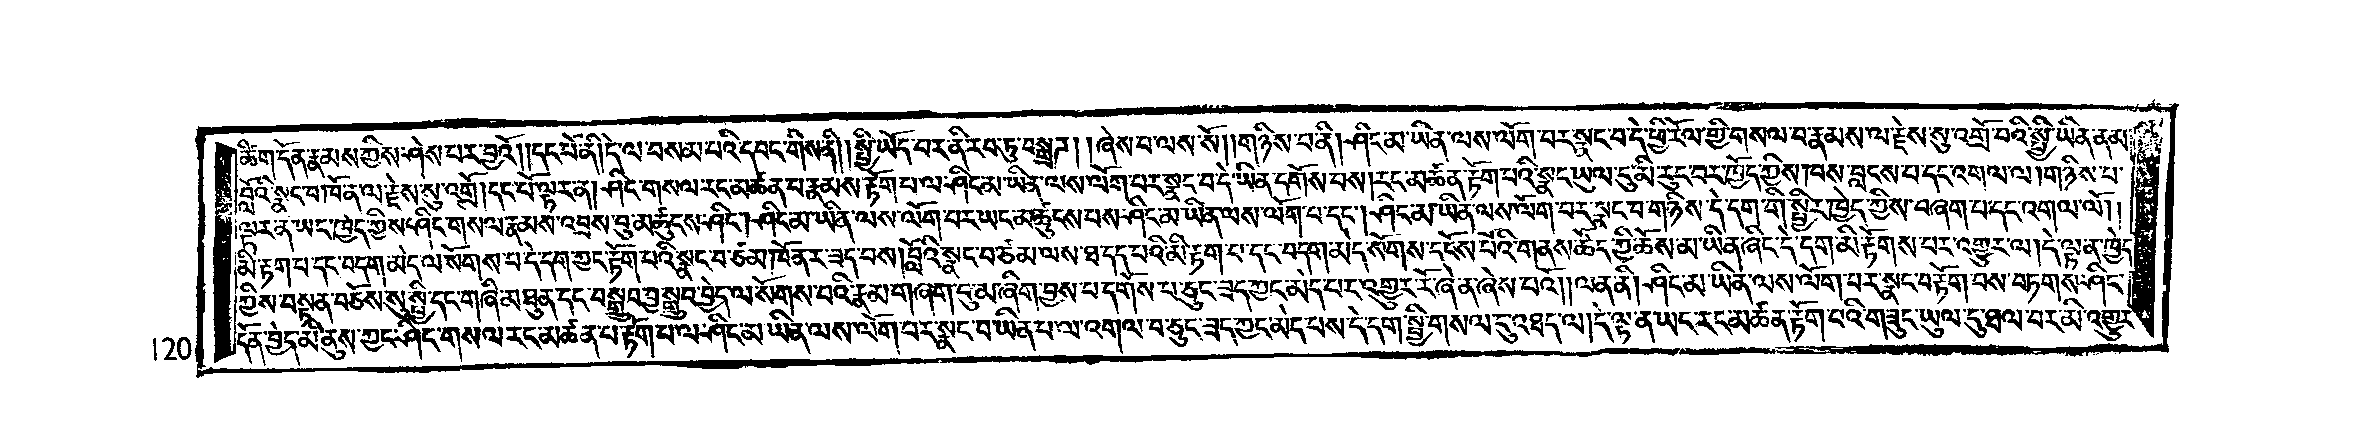ཚིག་དོན་རྣམས་ཀྱིས་ཤེས་པར་བྱའོ། །དང་པོ་ནི། དེ་ལ་བསམ་པའི་དབང་གིས་ནི། །སྤྱི་ཡོད་པར་ནི་རབ་ཏུ་བསྒྲཌ། །ཞེས་པ་ལས་སོ། །གཉིས་པ་ནི། ཤིང་མ་ཡིན་ལས་ལོག་པར་སྣང་བ་དེ་ཕྱི་རོལ་གྱི་གསལ་བ་རྣམས་ལ་རྗེས་སུ་འགྲོ་བའི་སྤྱི་ཡིན་ནམ་
བློའི་སྣང་བ་ཁོ་ན་ལ་རྗེས་སུ་འགྲོ། དང་པོ་ལྟར་ན། ཤིང་གསལ་རང་མཚན་པ་རྣམས་རྟོག་པ་ལ་ཤིང་མ་ཡིན་ལས་ལོག་པར་སྣང་བ་དེ་ཡིན་དགོས་པས། རང་མཚན་རྟོག་པའི་སྣང་ཡུལ་དུ་མི་རུང་བར་ཁྱོད་ཀྱིས་ཁས་བླངས་པ་དང་འགལ་ལ། གཉིས་པ་
ལྟར་ན་ཡང་ཁྱེད་ཀྱིས་ཤིང་གསལ་རྣམས་འབྲས་བུ་མཚུངས་ཤིང་། ཤིང་མ་ཡིན་ལས་ལོག་པར་ཡང་མཚུངས་པས་ཤིང་མ་ཡིན་ལས་ལོག་པ་དང་། ཤིང་མ་ཡིན་ལས་ལོག་པར་སྣང་བ་གཉིས་དེ་དག་གི་སྤྱིར་ཁྱེད་ཀྱིས་བཞག་པ་དང་འགལ་ལོ། །
མི་རྟག་པ་དང་བདག་མེད་ལ་སོགས་པ་དེ་དག་ཀྱང་རྟོག་པའི་སྣང་བ་ཙམ་ཁོ་ནར་ཟད་པས། བློའི་སྣང་བ་ཙམ་ལས་ཐ་དད་པའི་མི་རྟག་པ་དང་བདག་མེད་སོགས་དངོས་པོའི་གནས་ཚོད་ཀྱི་ཆོས་མ་ཡིན་ཞིང་དེ་དག་མི་རྟོགས་པར་འགྱུར་ལ། དེ་ལྟ་ན་ཁྱེད་
ཀྱིས་བསྟན་བཅོས་སུ་སྤྱི་དང་གཞི་མཐུན་དང་བསྒྲུབ་བྱ་སྒྲུབ་བྱེད་ལ་སོགས་པའི་རྣམ་གཞག་བུ་མ་ཞིག་བྱས་པ་དགོས་པ་ཅུང་ཟད་ཀྱང་མེད་པར་འགྱུར་རོ་ཞེ་ན་ཞེས་པའོ། །ལན་ནི། ཤིང་མ་ཡིན་ལས་ལོག་པར་སྣང་བ་རྟོག་པས་བཏགས་ཤིང་
དོན་བྱེད་མི་ནུས་ཀྱང་ཤིང་གསལ་རང་མཚན་པ་རྟོག་པ་ལ་ཤིང་མ་ཡིན་ལས་ལོག་པར་སྣང་བ་ཡིན་པ་ལ་འགལ་བ་ཅུང་ཟད་ཀྱང་མེད་པས་དེ་དག་སྤྱི་གསལ་དུ་འཐད་ལ། དེ་ལྟ་ན་ཡང་རང་མཚན་རྟོག་པའི་གཟུང་ཡུལ་དུ་ཐལ་བར་མི་འགྱུར་